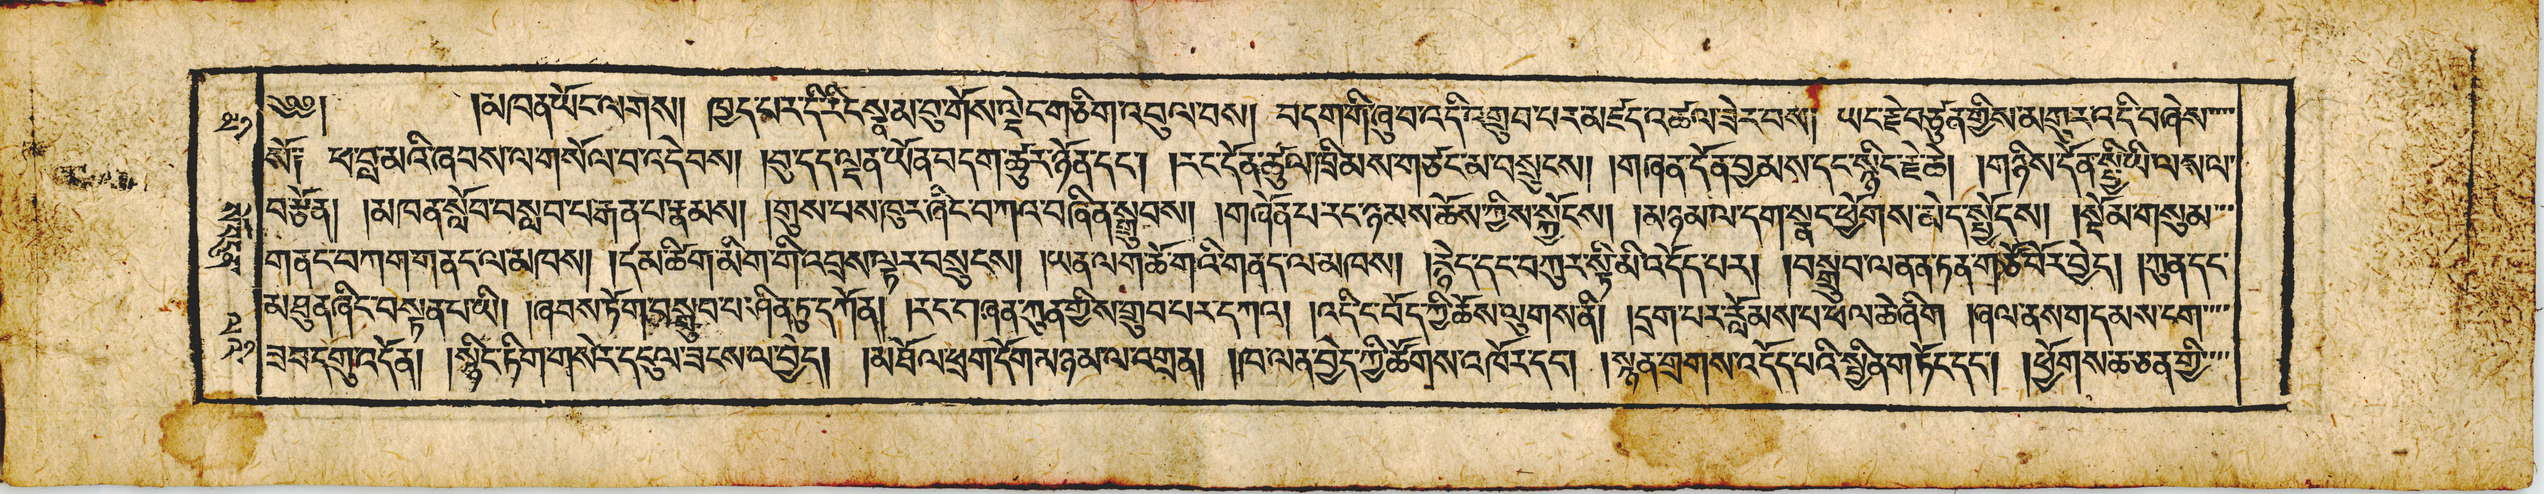མཁན་ཡོང་ལགས། ཁྱད་པར་དི་རིང་སྣམ་བུ་གོས་ལྡེང་གཅིག་འབུལ་བས། བདག་གི་ཞུ་བ་འདི་འགྲུབ་པར་མཛད་འཚལ་ཟེར་བས། ཡང་རྗེ་བཙུན་གྱིས་མགུར་འདི་བཞེས་
སོ༑ ཕ་བླ་མའི་ཞབས་ལ་གསོལ་བ་འདེབས། །བུ་དད་ལྡན་ཡོན་བདག་ཚུར་ཉོན་དང་། །རང་དོན་ཚུལ་ཁྲིམས་གཙང་མ་བསྲུངས། །གཞན་དོན་བྱམས་དང་སྙིང་རྗེ་ཆེ། །གཉིས་དོན་སྤྱི་ཡི་ལས་ལ་
བརྩོན། །མཁན་སློབ་བསླབ་པ་རྒན་པ་རྣམས། །གུས་པས་ཁུར་ཞིང་བཀའ་བཞིན་སྒྲུབས། །གཞོན་པ་རང་ཉམས་ཆོས་ཀྱིས་སྐྱོངས། །མཉམ་ལ་དག་སྣང་ཕྱོགས་མེད་སྤྱོངས། །སྡོམ་གསུམ་
གནང་བཀག་གནད་ལ་མཁས། །དམ་ཚིག་མིག་གི་འབྲས་ལྟར་བསྲུངས། །ཡན་ལག་ཆོ་གའི་གནད་ལ་མཁས། །རྙེད་དང་བཀུར་སྟི་མི་འདོད་པར། །བསྒྲུབ་ལ་ནན་ཏན་གཙོ་བོར་བྱེད། །ཀུན་དང་
མཐུན་ཞིང་བསྟན་པ་ཡི། །ཞབས་ཏོག་བསྒྲུབ་པ་ཤིན་ཏུ་དཀོན། །རང་གཞན་ཀུན་གྱིས་གྲུབ་པར་དཀའ། །འདིང་བོད་ཀྱི་ཆོས་ལུགས་ནི། །དྲག་པར་རློམས་པ་ཕལ་ཆེ་ཞིག །ཞལ་ནས་གདམས་ངག་་་
ཟབ་དགུ་འདོན། །སྙིང་ཏིག་གསེར་དངུལ་ཟངས་ལ་བྱེད། །མཐོལཕྲག་དོགམཉམ་ལ་འགྲན། །ཁ་ལན་བྱེད་ཀྱི་ཚོགས་འཁོར་དང། །སྙན་གྲགས་འདོད་པའི་སྦྱིན་གཏོང་དང་། །ཕྱོགས་ཆ་ཅན་གྱི་